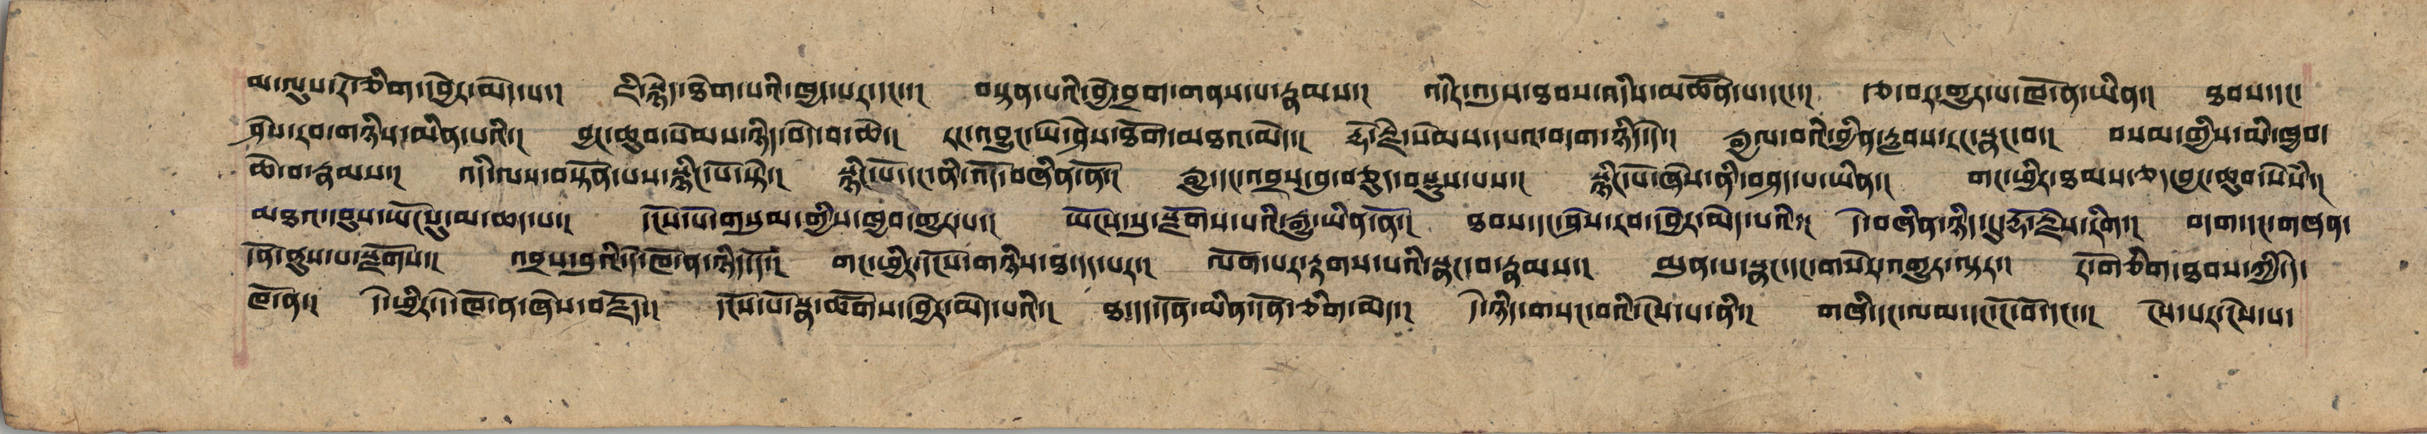མ་ལུས་རོ་ཅིག་དབྱེར་མེད་པ་། ཇི་སྙེད་ཐེག་པའི་ཁྱད་པར་དང་་། བསྟན་པའི་བྱེ་བྲག་གནས་པ་རྣམས་། འདིར་འདུས་ཐབས་འདིས་མཚོན་པ་དང་་། རྩ་བར་གྱུར་པ་ཁོ་ན་ཡིན་། ཐབས་དང་
ཤེས་རབ་གཉིས་མིན་པའི་། བྱང་ཆུབ་སེམས་ཉིད་བདེ་བ་ཆེ་། རང་བྱུང་ཡེ་ཤེས་ཐོག་མཐའ་མེད་། རྡོ་རྗེ་སེམས་དཔའ་བདག་ཉིད་དེ་། རྒྱལ་བའི་བྱིན་རླབས་རང་སྣང་བ་། བསམ་གྱིས་མི་ཁྱབ་
ཆེ་བ་རྣམས་། འདི་ལས་བསྟོན་པས་སྙིང་པོ་སྟེ་། སྙིང་པོ་དང་ནི་འོད་བཞིན་ནོ་། རྒྱུ་དང་འབྲས་བུ་བཅུད་བསྡུས་པས་། སྙིང་པོ་ཞེས་ནི་བཤད་པ་ཡིན་། གང་ཕྱིར་ཐམས་ཅད་བྱང་ཆུབ་སེསཾ་།
མཐའ་དབུས་ཡོངསུ་མ་ཆད་པ་། དངོས་པོ་གསུམ་གྱིས་ཁྱབ་གྱུར་པ་། ཡོངས་སུ་སྫོགས་པའི་རྒྱུ་ཡིན་ནོ་། ཐབས་དང་ཤེས་རབ་དབྱེར་མེད་པའི་། དེ་བཞིན་ཉིད་དུ་རྡོ་རྗེས་རིག་། བདག་དང་གཞན་
དོན་ནུས་པ་སྫོགས་། འབྲས་བུའི་དེ་ཁོ་ན་ཉིད་དོ་། གང་ཕྱིར་དངོས་གཉིས་ཐ་དད་པར་། ལོག་པར་རྟགས་པའི་སྣང་བ་རྣམས་། མུན་པ་སྣང་དང་གསེར་འགྱུར་ལྟར་། རོ་གཅིག་ཐབས་ཀྱི་དེ་
ཁོ་ན་། དེ་ཕྱིར་དེ་ཁོ་ན་ཞེས་བརྗོད་། དངོས་པོ་སྣ་ཚོགས་དབྱེར་མེད་པའི་། ཐ་དད་དོན་མིན་དོན་ཅིག་མེད་། དེ་ཉིད་གསང་བའི་ངེས་པ་ནི་། གཞི་དང་ལམ་དང་ངོ་བོ་དང་་། ངེས་པར་ངེས་པ་